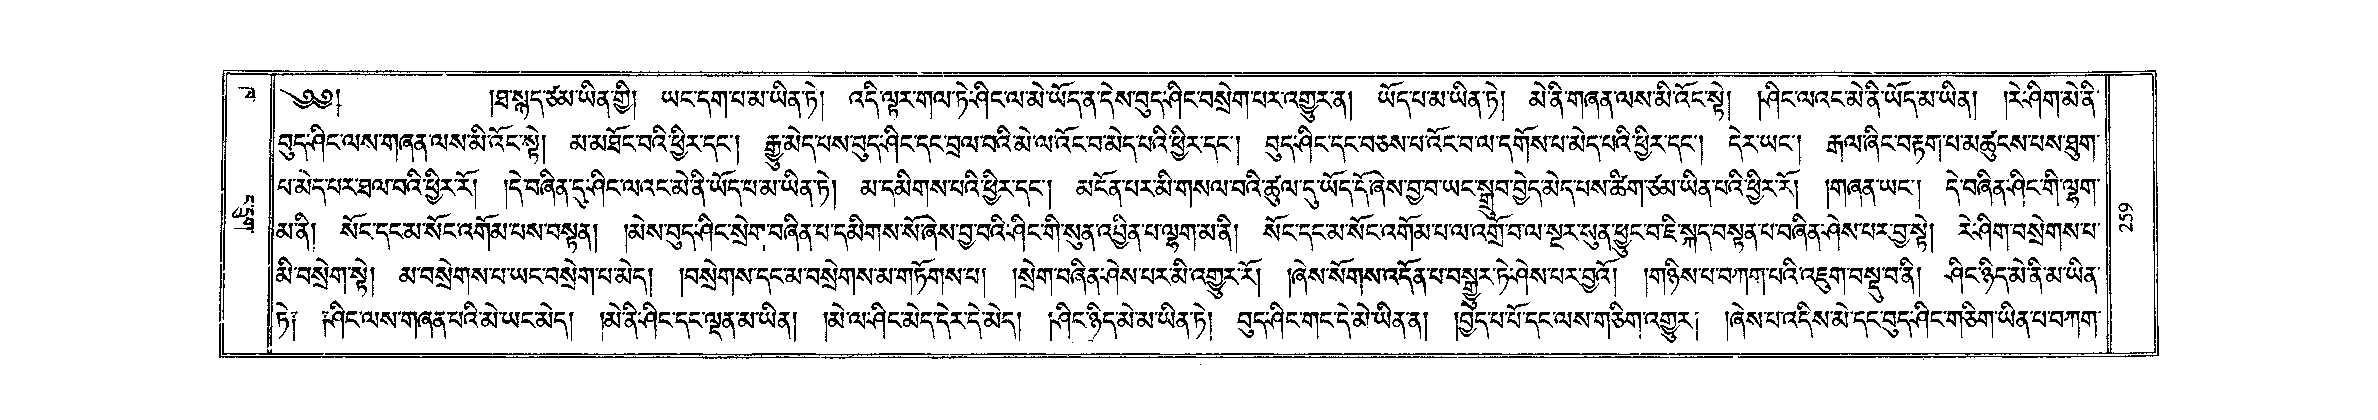༄༅། །ཐ་སྙད་ཙམ་ཡིན་གྱི། ཡང་དག་པ་མ་ཡིན་ཏེ། འདི་ལྟར་གལ་ཏེ་ཤིང་ལ་མེ་ཡོད་ན་དེས་བུད་ཤིང་བསྲེག་པར་འགྱུར་ན། ཡོད་པ་མ་ཡིན་ཏེ། མེ་ནི་གཞན་ལས་མི་འོང་སྟེ། །ཤིང་ལའང་མེ་ནི་ཡོད་མ་ཡིན། །རེ་ཤིག་མེ་ནི་
བུད་ཤིང་ལས་གཞན་ལས་མི་འོང་སྟེ། མ་མཐོང་བའི་ཕྱིར་དང་། རྒྱུ་མེད་པས་བུད་ཤིང་དང་བྲལ་བའི་མེ་ལ་འོང་བ་མེད་པའི་ཕྱིར་དང་། བུད་ཤིང་དང་བཅས་པ་འོང་བ་ལ་དགོས་པ་མེད་པའི་ཕྱིར་དང་། དེར་ཡང་། རྒལ་ཞིང་བརྟག་པ་མཚུངས་པས་ཐུག་
པ་མེད་པར་ཐལ་བའི་ཕྱིར་རོ། །དེ་བཞིན་དུ་ཤིང་ལའང་མེ་ནི་ཡོད་པ་མ་ཡིན་ཏེ། མ་དམིགས་པའི་ཕྱིར་དང་། མངོན་པར་མི་གསལ་བའི་ཚུལ་དུ་ཡོད་དོ་ཞེས་བྱ་བ་ཡང་སྒྲུབ་བྱེད་མེད་པས་ཚིག་ཙམ་ཡིན་པའི་ཕྱིར་རོ། །གཞན་ཡང་། དེ་བཞིན་ཤིང་གི་ལྷག་
མ་ནི། སོང་དང་མ་སོང་འགོམ་པས་བསྟན། །མེས་བུད་ཤིང་སྲེག་བཞིན་པ་དམིགས་སོ་ཞེས་བྱ་བའི་ཤིང་གི་སུན་འབྱིན་པ་ལྷག་མ་ནི། སོང་དང་མ་སོང་འགོམ་པ་ལ་འགྲོ་བ་ལ་སྔར་སུན་ཕྱུང་བ་ཇི་སྐད་བསྟན་པ་བཞིན་ཤེས་པར་བྱ་སྟེ། རེ་ཤིག་བསྲེགས་པ་
མི་བསྲེག་སྟེ། མ་བསྲེགས་པ་ཡང་བསྲེག་པ་མེད། །བསྲེགས་དང་མ་བསྲེགས་མ་གཏོགས་པ། །སྲེག་བཞིན་ཤེས་པར་མི་འགྱུར་རོ། །ཞེས་སོགས་འདོན་པ་བསྒྱུར་ཏེ་ཤེས་པར་བྱའོ། །གཉིས་པ་བཀག་པའི་འཇུག་བསྡུ་བ་ནི། ཤིང་ཉིད་མེ་ནི་མ་ཡིན་
ཏེ༑ ༑ཤིང་ལས་གཞན་པའི་མེ་ཡང་མེད། །མེ་ནི་ཤིང་དང་ལྡན་མ་ཡིན། །མེ་ལ་ཤིང་མེད་དེར་དེ་མེད། །ཤིང་ཉིད་མེ་མ་ཡིན་ཏེ། བུད་ཤིང་གང་དེ་མེ་ཡིན་ན། །བྱེད་པ་པོ་དང་ལས་གཅིག་འགྱུར། །ཞེས་པ་འདིས་མེ་དང་བུད་ཤིང་གཅིག་ཡིན་པ་བཀག་